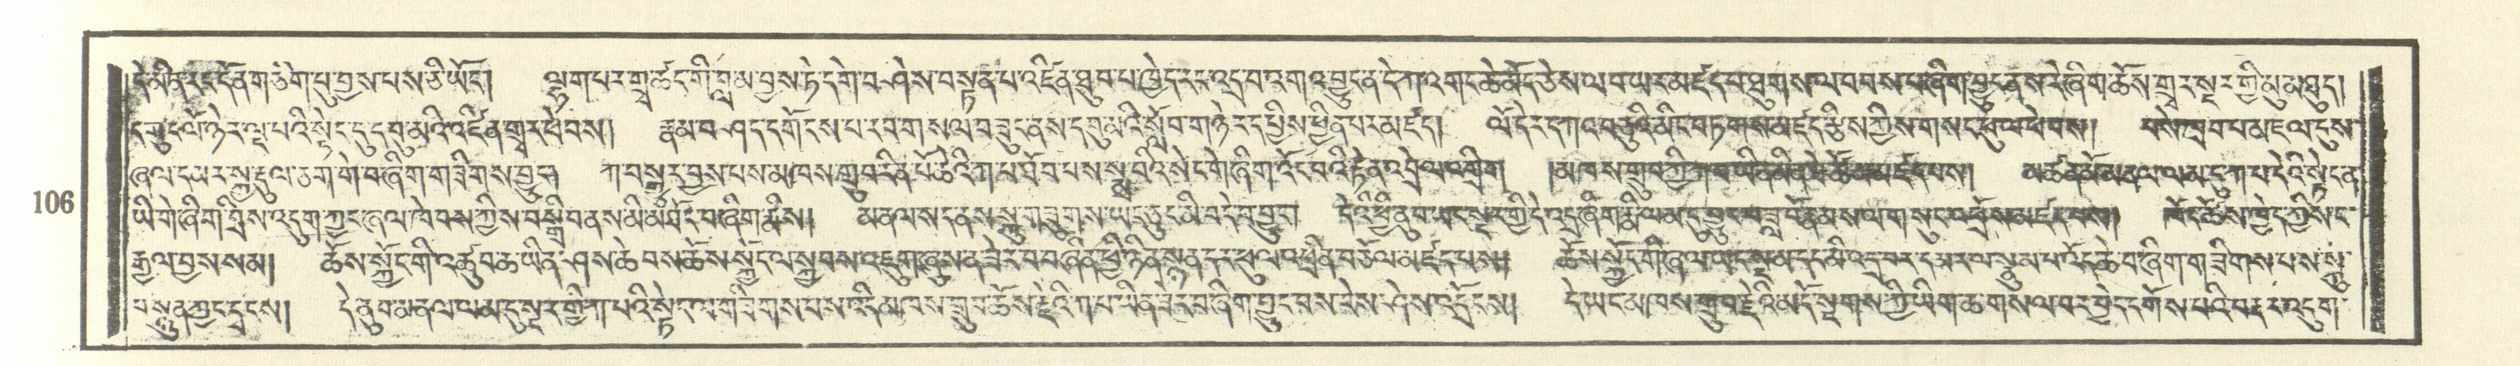དེ་མིན་རང་དོན་གཅིག་པུ་བྱས་པས་ཅི་ཡོང་། ལྷག་པར་གྲྭ་ཚང་གི་བླ་མ་བྱས་ཏེ་དགེ་བཤེས་བསྟན་པ་འཛིན་ཐུབ་པ་ཁྱེད་རང་འདྲ་བ་འགའ་བྱུང་ན་དེ་ཀ་འགང་ཆེ་མོད་ཅེས་ལབ་ཡར་མཛད་པ་ཐུགས་ལ་བབས་པ་ཞིག་བྱུང་ནས་རེ་ཞིག་ཆོས་གྲྭར་སྔར་གྱི་མུ་མཐུད།
དགུང་ལོ་ཉེར་ལྔ་པའི་སྟེང་དུ་དབུ་མའི་འཛིན་གྲྭར་ཕེབས། རྣམ་བཤད་དགོངས་པ་རབ་གསལ་བཟུང་ནས་དབུ་མའི་སློབ་གཉེར་དཔྱིས་ཕྱིན་པར་མཛད། ལོ་དེར་དཀའ་བཅུའི་མིང་བཏགས་མཛད་རྩིས་ཀྱིས་གསང་ཕུལ་ཕེབས། བསེ་ཁྲབ་པ་མཇལ་དུས་
ཞལ་དམར་སྐྱ་རྡུལ་ཅག་གེ་བ་ཞིག་གཟིགས་བྱུང་། ཀ་བསྒྱུར་བྱས་པས་མཁས་གྲུབ་རིན་པོ་ཆེའི་ཀ་པ་ཐོབ་པས་སྨྲ་བའི་སེང་གེ་ཞིག་འོང་བའི་རྟེན་འབྲེལ་འགྲིག །མཁས་གྲུབ་ཀྱི་ཀ་པ་ཡིན་མིན་ཐེ་ཚོམ་མཛད་པས། མཚན་མོ་མནལ་ལམ་དུ་ཀ་པ་དེའི་སྟེང་ན་
ཡི་གེ་ཞིག་བྲིས་འདུག་ཀྱང་ཞལ་ཁེབས་ཀྱིས་བསྒྲིབ་ནས་མི་མཐོང་བ་ཞིག་རྨིས། མནལ་སད་ནས་སྐུ་གཟུགས་ཡང་ཅུང་མི་བདེ་བ་བྱུང་། དེའི་ཕྱི་ནུབ་ཡང་སྔར་གྱི་དེ་འདྲ་ཞིག་རྨི་ལམ་དུ་བྱུང་བ་ཟླ་བོ་རྣམས་ལ་གསུང་འཕྲོས་མཛད་པས། ཁོང་ཚོས་ཁྱེད་ཀྱིས་ང་
རྒྱལ་བྱས་སམ། ཆོས་སྐྱོང་གི་འཚུབ་ཆ་ཡིན་ཤས་ཆེ་བས་ཆོས་སྐྱོང་ལ་སྐྱབས་འཇུག་ཞུས་ན་ཟེར་བ་བཞིན་ཕྱི་ཉིན་སྙན་དར་ཕུལ་འཕྲིན་བཅོལ་མཛད་པས། ཆོས་སྐྱོང་གི་ཞལ་ཡང་སྔ་མ་དང་མི་འདྲ་བར་དམར་ལ་སྣུམ་པ་འོད་ཆེ་བ་ཞིག་གཟིགས་པས་སྐུ་
བསྙུན་ཀྱང་དྭངས། དེ་ནུབ་མནལ་ལམ་དུ་སྔར་གྱི་ཀ་པའི་སྟེང་ལ་གཟིགས་པས་འདི་མཁས་གྲུབ་ཆོས་རྗེའི་ཀ་པ་ཡིན་ཟེར་བ་ཞིག་བྱུང་བས་ངེས་ཤེས་འདྲོངས། དེ་ཡང་མཁས་གྲུབ་རྗེའི་མདོ་སྔགས་ཀྱི་ཡིག་ཆ་གསལ་བར་བྱེད་དགོས་པའི་བརྡར་འདུག་